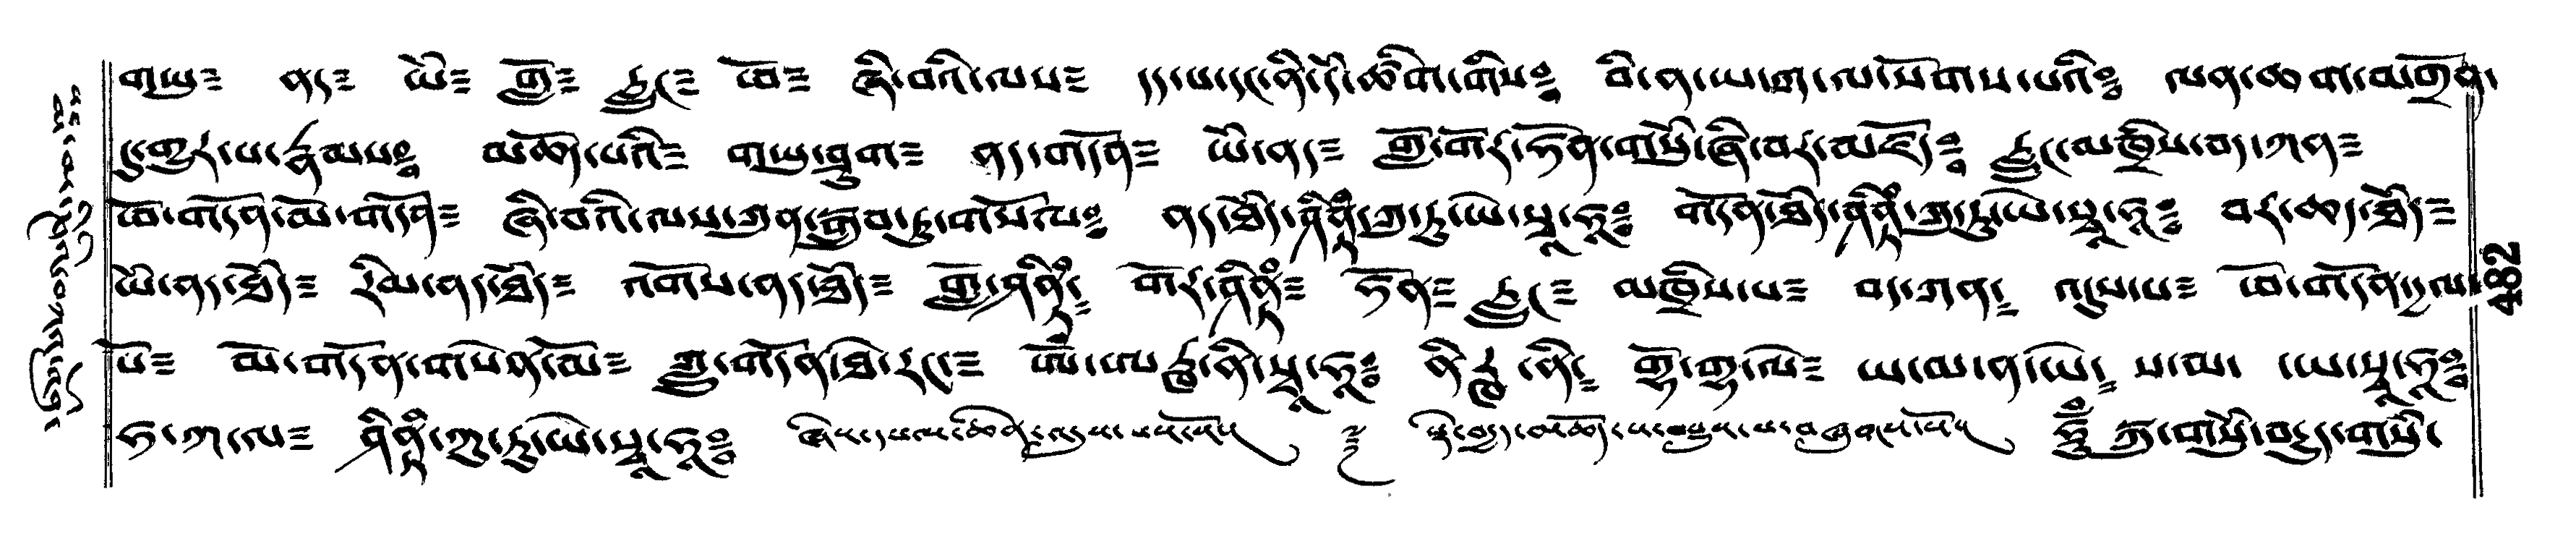གཡུ༴ ནད༴ ཡམས༴ གློ༴ རླུང༴ ཕོ༴ ཞི་བའི་ལས༴ དད་པ་དག་ནི་དམ་ཚིག་གིས༔ བི་ན་ཡ་ཀ་ལ་སོགས་པའི༔ ལན་ཆགས་མགྲོན་
དུ་གྱུར་པ་རྣམས༔ མཆོད་པའི༴ གཡུ་ཤུག༴ ནད་གདོན༴ ཡམས་ནད༴ གློ་གོར་ཧོན་གསུམ་ཞི་བར་མཛོད༔ རླུང་མཁྲིས་བད་ཀན༴ 
ཕོ་གདོན་མོ་གདོན༴ ཞི་བའི་ལས་ཀུན་བསྒྲུབ་ཏུ་གསོལ༔ ནད་ཐམས་ཅད་ཤནྟིཾ་ཀུ་རུ་ཡེ་སྭཱ་ཧཱ༔ གདོན་ཐམས་ཅད་ཤིནྟཾ་ཀུ་ཏུ་ཡེ་སྭཱ་ཧཱ༔ བར་ཆད་ཐམས་ཅད༴ 
ཡམས་ནད་ཐམས་ཅད༴ རིམས་ནད་ཐམས་ཅད༴ འགོས་ནད་ཐམས་ཅད༴ གློ་ཤིནྟཾ༴ གོར་ཤནྟིཾ༴ ཧོན༴ རླུང༴ མཁྲིས་པ༴ བད་ཀན༴ འདུས་པ༴ ཕོ་གདོན་རྒྱལ་
པོ༴ མོ་གདོན་གསེན་མོ༴ ཀླུ་གདོན་ཐེ་རང༴ ཨོཾ་ཨརྑ་ནི་སྭཱ་ཧཱ༔ ནིརྑ་ནི༴ གྷོ་གྷ་ལེ༴ ཡ་མ་ན་ཡེ༴ ས་མ་ཡ་སྭཱ་ཧཱ༔ ཧ་ཀ་ལ༴ ཤནྟིཾ་ཀུ་རུ་ཡེ་སྭཱ་ཧཱ༔ 
ཞེས་དཔལ་ཆེན་འདུས་པས་སོ།། ༈ སྡེ་བརྒྱད་མཆོད་པ་བསྡུས་པ་བཞུགས་སོ། ཧཱུྃ། སྐུ་གསུམ་བརྒྱུད་གསུམ་